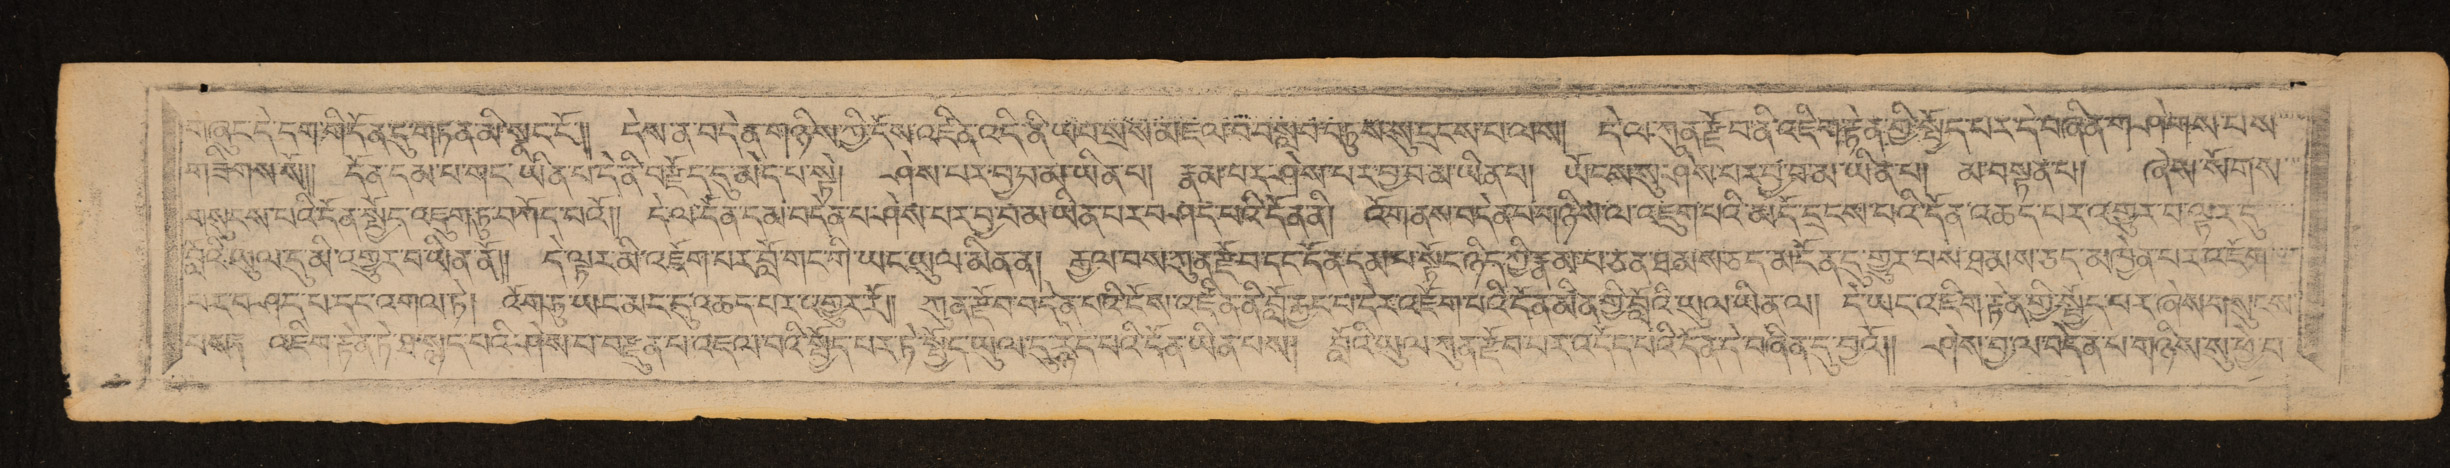གཞུང་དེ་དག་གི་དོན་དུ་གཏན་མི་སྣང་ངོ།། དེས་ན་བདེན་གཉིས་ཀྱི་ངོས་འཛིན་འདི་ནི་ཡབ་སྲས་མཇལ་བ་བསླབ་བཏུས་སུ་དྲངས་པ་ལས། དེ་ལ་ཀུན་རྫོབ་ནི་འཇིག་རྟེན་གྱི་སྤྱོད་པར་དེ་བཞིན་གཤེགས་པས་
གཟིགས་སོ།། དོན་དམ་པ་གང་ཡིན་པ་དེ་ནི་བརྗོད་དུ་མེད་པ་སྟེ། ཤེས་པར་བྱ་བ་མ་ཡིན་པ། རྣམ་པར་ཤེས་པར་བྱ་བ་མ་ཡིན་པ། ཡོངས་སུ་ཤེས་པར་བྱ་བ་མ་ཡིན་པ། མ་བསྟན་པ། ཞེས་སོགས་
གསུངས་པའི་དོན་སྤྱོད་འཇུག་ཏུ་བཀོད་པའོ།། དེ་ལ་དོན་དམ་བདེན་པ་ཤེས་པར་བྱ་བ་མ་ཡིན་པར་བཤད་པའི་དོན་ནི། འོག་ནས་བདེན་པ་གཉིས་ལ་འཇུག་པའི་མདོ་དྲངས་པའི་དོན་འཆད་པར་འགྱུར་བ་ལྟར་དུ་
བློའི་ཡུལ་དུ་མི་འགྱུར་བ་ཡིན་ནོ།། དེ་ལྟར་མི་འཇོག་པར་བློ་གང་གི་ཡང་ཡུལ་མིན་ན། རྒྱལ་བས་ཀུན་རྫོབ་དང་དོན་དམ་པ་སྟོང་ཉིད་ཀྱི་རྣམ་པ་ཅན་ཐམས་ཅད་མངོན་དུ་གྱུར་པས་ཐམས་ཅད་མཁྱེན་པར་འཇོག་
པར་བཤད་པ་དང་འགལ་ཏེ། འོག་ཏུ་ཡང་མང་དུ་འཆད་པར་འགྱུར་རོ།། ཀུན་རྫོབ་བདེན་པའི་ངོས་འཛིན་ནི་བློ་རྐྱང་པ་དེར་འཇོག་པའི་དོན་མིན་གྱི་བློའི་ཡུལ་ཡིན་ལ། དེ་ཡང་འཇིག་རྟེན་གྱི་སྤྱོད་པར་ཞེས་གསུངས་
པས། འཇིག་རྟེན་ཏེ་ཐ་སྙད་པའི་ཤེས་པ་བརྫུན་པ་འཇལ་བའི་སྤྱོད་པར་ཏེ་སྤྱོད་ཡུལ་དུ་རྙེད་པའི་དོན་ཡིན་པས། བློའི་ཡུལ་ཀུན་རྫོབ་པར་འདོད་པའི་དོན་དེ་བཞིན་དུ་བྱའོ།། ཤེས་བྱ་ལ་བདེན་པ་གཉིས་སུ་ཕྱེ་བ་